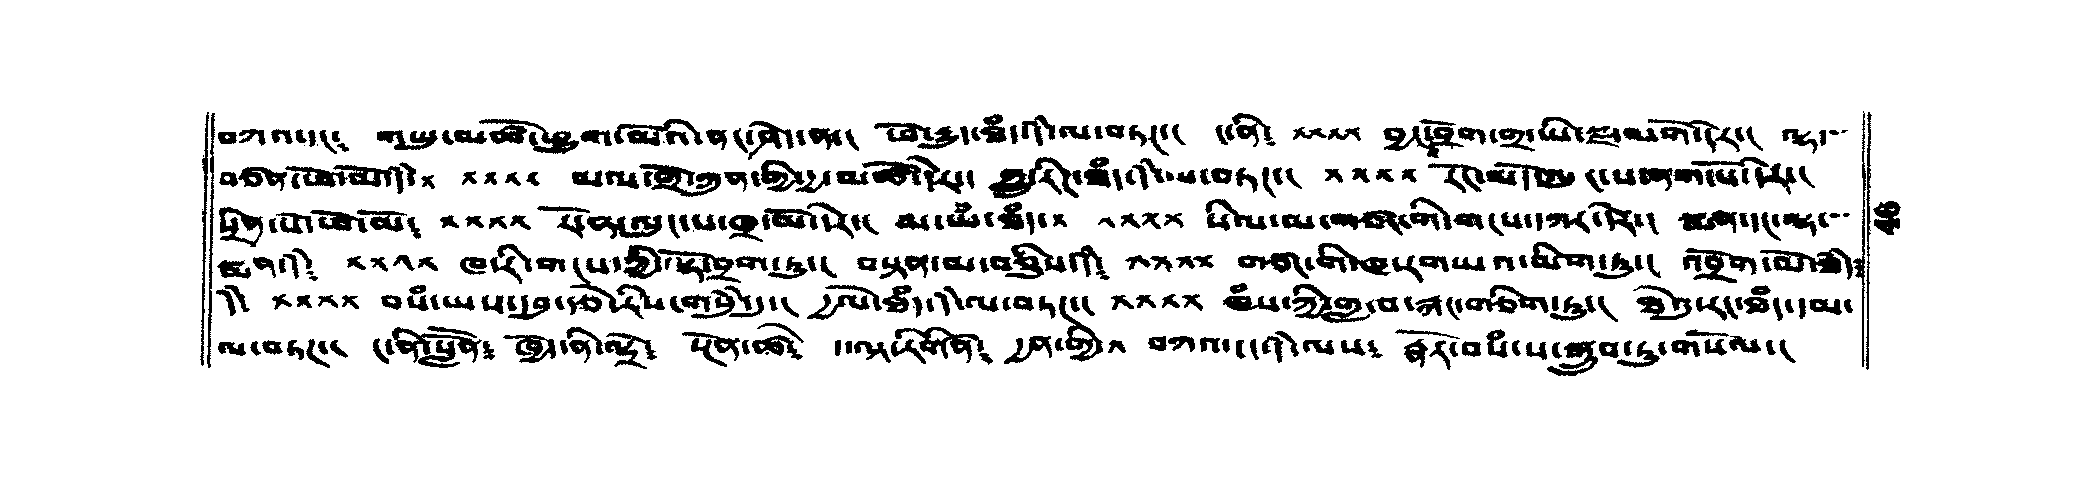བཀའ་དང་༴ གཡུ་མཚོ་ཕྱུག་མོའི་ནང་ཤེད་ན། །ཕོ་རྒྱུད་ཐམས་ཅད་དམ་ལ་བཏགས། །ང་ནི་༴ བྱང་འབྲོག་དགྲ་ཡི་རྫ་མགོ་དེར། །ལྷ་
བཙན་ཕོ་མོ་དམ་༴ མལ་འགྲོ་ཀུན་གྱི་རྒྱ་མཚོ་དེར། །ཀླུ་རིགས་ཐམས་ཅད་དམ་ལ་བཏགས༴ རོང་མདོ་ལུང་པ་ནག་པོ་དེར། །
སྲིན་པོ་ཕོ་མོ༴ རོ་ཧ་ལུང་པ་ཁྲ་མོ་དེར། མ་ཡཾ་ཐམས་ཅད་༴ སིལ་མ་གཙང་གི་གངས་དཀར་དེར། །སྨན་དང་ལྷ་
སྨན་དམ་༴ ཁ་རི་གངས་ཀྱི་ལྷོ་བྲག་ཏུ། །བསྟན་མ་བཅུ་གཉིས་དམ་༴ གཙང་གི་ཁ་རག་གཡའ་མིག་ཏུ། །འབྲོག་མོ་ཐམས་ཅད་
དེ། བསམ་ཡས་དབུ་རྩེ་རིས་གསུམ་དུ།་རྒྱལ་པོ་ཐམས་ཅད་དམ་་བཏགས། ཁམས་ཀྱི་གླ་བ་རྐང་གཅིག་ཏུ། ཐེའུ་རང་ཐམས་ཅད་
དམ་ལ་བཏགས། ། ང་ནི་སློབ་དཔོན་༴ ཁྱོད་ནི་ལྷ་འདྲེ་༴ སྔོན་ཚེ་༴ ད་ལྟ་རིག་འཛིན་༴ རྒྱན་གྱི་༴ བཀའ་དང་དམ་ལས་༴རྣལ་འབྱོར་བསམ་པ་སྒྲུབ་ཏུ་གསོལ། །